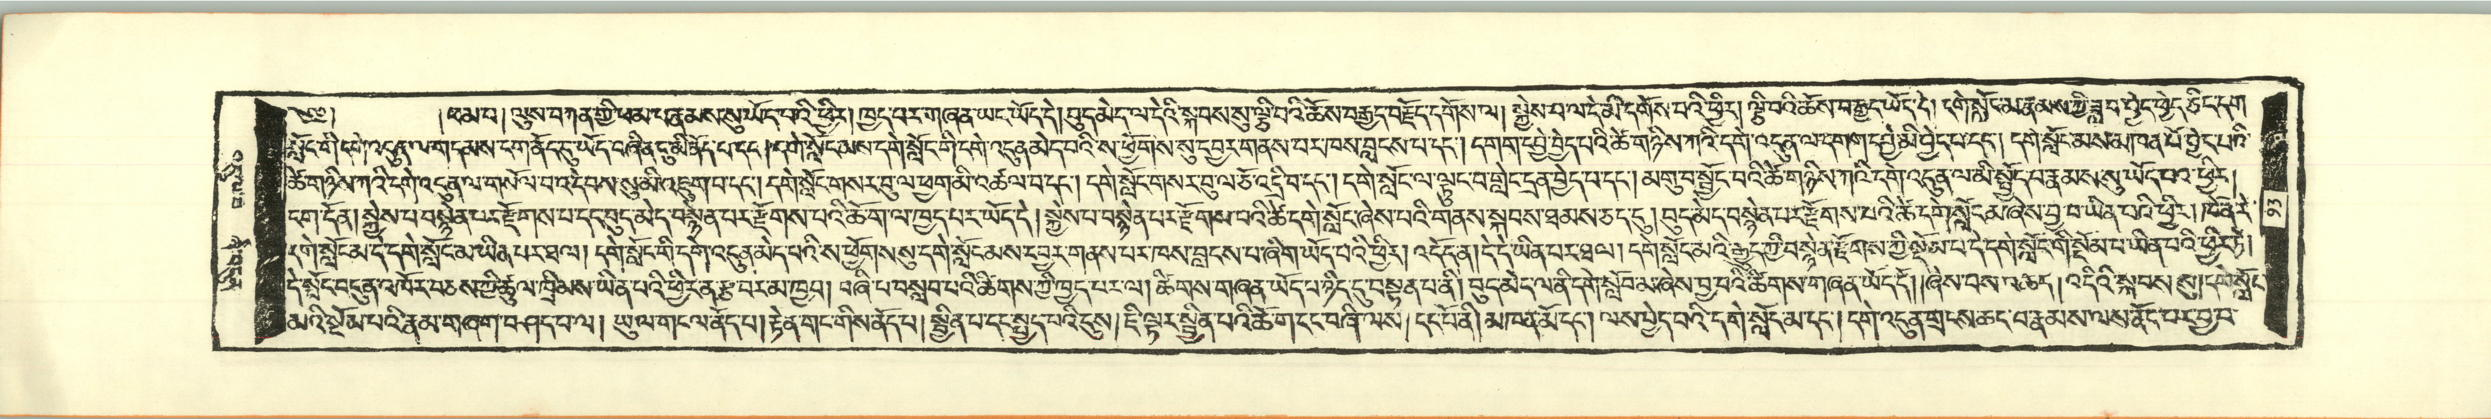༄༅། །ཕམ་པ། ལུས་བཀན་གྱི་ཕམ་པ་རྣམས་སུ་ཡོད་པའི་ཕྱིར། ཁྱད་པར་གཞན་ཡང་ཡོད་དེ། བུད་མེད་ལ་དེའི་སྐབས་སུ་ལྕི་བའི་ཆོས་བརྒྱད་བརྗོད་དགོས་ལ། སྐྱེས་བ་ལ་དེ་མི་དགོས་པའི་ཕྱིར། ལྕི་བའི་ཆོས་བརྒྱད་ཡོད་དེ། དགེ་སློང་མ་རྣམས་ཀྱི་ཟླ་བ་བྱེད་ཕྱེད་ཅིང་དག་
སློང་གི་དགེ་འདུན་ལ་གདམས་ངག་ནོད་དུ་ཡོད་བཞིན་དུ་མི་ནོད་པ་དང་། དགེ་སློང་མས་དགེ་སློང་གི་དགེ་འདུན་མེད་པའི་ས་ཕྱོགས་སུ་དབྱར་གནས་པར་ཁས་བླངས་པ་དང་། དགག་དབྱེ་བྱེད་པའི་ཚེ་གཉིས་ཀའི་དགེ་འདུན་ལ་དགག་དབྱེ་མི་བྱེད་པ་དང་། དགེ་སློང་མས་མཁན་པོ་བྱེད་པའི་
ཚེ་གཉིས་ཀའི་དགེ་འདུན་ལ་གསོལ་བ་འདེབས་སུ་མི་འཇུག་པ་དང་། དགེ་སློང་གསར་བུ་ལ་ཕྱག་མི་འཚལ་བ་དང་། དགེ་སློང་གསར་བུ་ལ་ཅོ་འདྲི་བ་དང་། དགེ་སློང་ལ་ལྟུང་བ་གླེང་དྲན་བྱེད་པ་དང་། མགུ་བ་སྦྱོང་བའི་ཚེ་གཉིས་ཀའི་དགེ་འདུན་ལ་མི་སྤྱོད་པ་རྣམས་སུ་ཡོད་པའི་ཕྱིར།
ངག་དོན། སྐྱེས་པ་བསྙེན་པར་རྫོགས་པ་དང་བུད་མེད་བསྙེན་པར་རྫོགས་པའི་ཆོ་ག་ལ་ཁྱད་པར་ཡོད་དེ། སྐྱེས་པ་བསྙེན་པར་རྫོགས་པའི་ཚེ་དགེ་སློང་ཞེས་པའི་གནས་སྐབས་ཐམས་ཅད་དུ། བུད་མེད་བསྙེན་པར་རྫོགས་པའི་ཚེ་དགེ་སློང་མ་ཞེས་བྱ་བ་ཡིན་པའི་ཕྱིར། ཁོ་ན་རེ་
དགེ་སློང་མ་དེ་དགེ་སློང་མ་ཡིན་པར་ཐལ། དགེ་སློང་གི་དགེ་འདུན་མེད་པའི་ས་ཕྱོགས་སུ་དགེ་སློང་མས་དབྱར་གནས་པར་ཁས་བླངས་པ་ཞིག་ཡོད་པའི་ཕྱིར། འདོད་ན། དེ་དེ་ཡིན་པར་ཐལ། དགེ་སློང་མའི་རྒྱུད་ཀྱི་བསྙེན་རྫོགས་ཀྱི་སྡོམ་པ་དེ་དགེ་སློང་གི་སྡོམ་པ་ཡིན་པའི་ཕྱིར་ཏེ།
དེ་སྤོང་བདུན་འཁོར་བཅས་ཀྱི་ཚུལ་ཁྲིམས་ཡིན་པའི་ཕྱིར་ན་རྩ་བར་མ་ཁྱབ། བཞི་པ་བསླབ་པའི་ཚིགས་ཀྱི་ཁྱད་པར་ལ། ཚིགས་གཞན་ཡོད་པ་ཉིད་དུ་བསྟན་པ་ནི། བུད་མེད་ལ་ནི་དགེ་སློང་མ་ཞེས་བྱ་བའི་ཚིགས་གཞན་ཡོད་དོ། །ཞེས་པས་འཆད། འདིའི་སྐབས་སུ། དགེ་སློང་
མའི་སྔོམ་པའི་རྣམ་གཞག་བཤད་པ་ལ། ཡུལ་གང་ལ་ནོད་པ། རྟེན་གང་གིས་ནོད་པ། སྦྱིན་པ་དང་སྤྱད་པའི་དུས། ཇི་ལྟར་སྦྱིན་པའི་ཆོ་ག་དང་བཞི་ལས། དང་པོ་ནི། མཁན་མོ་དང་། ལས་བྱེད་པའི་དགེ་སློང་མ་དང་། དགེ་འདུན་གྲངས་ཆད་བ་རྣམས་ལས་ནོད་པར་བྱ་བ་